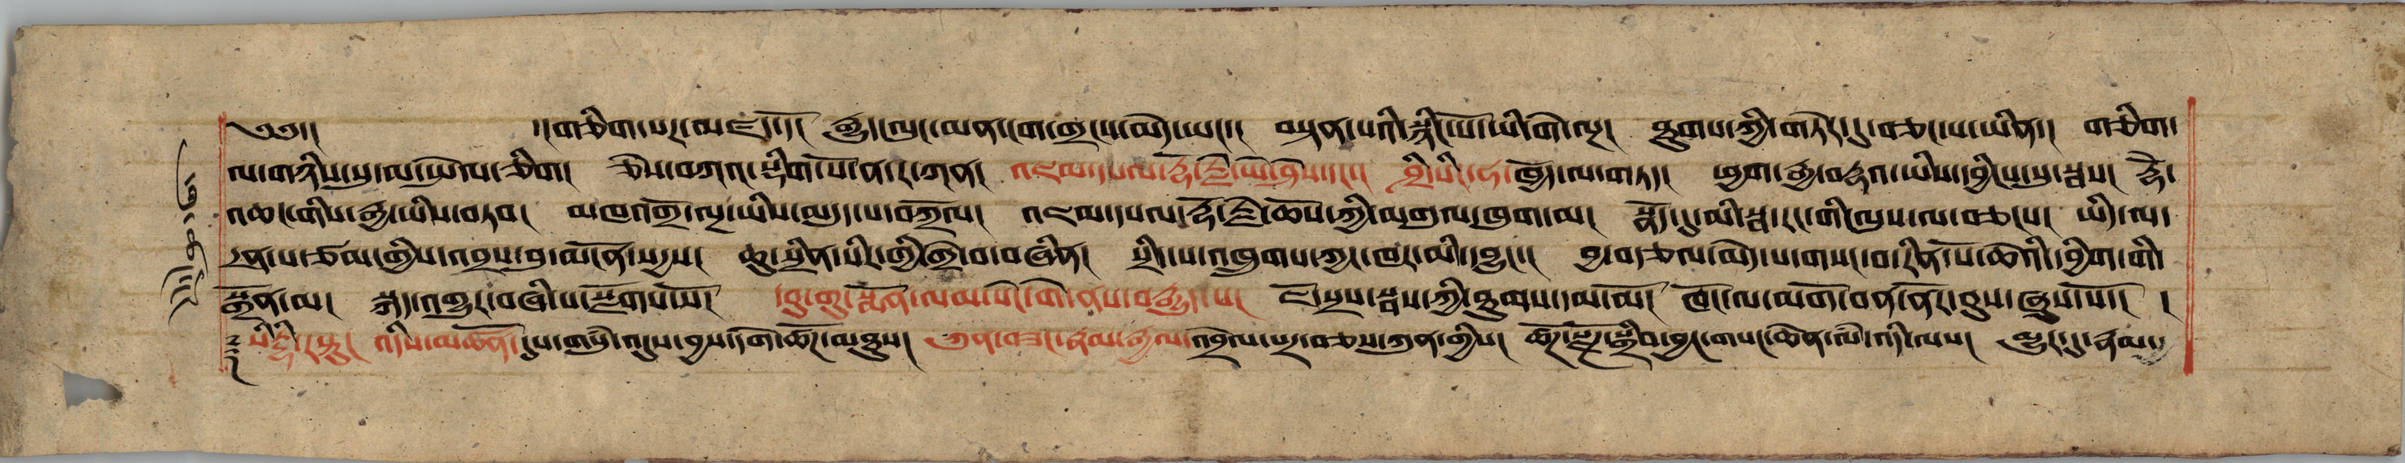༄༅་། ་།གཅིག་པར་མཛད་དོ་། རྒྱུད་ལུང་མན་ངག་གྲངས་མེད་ཡང་། བསྟན་པའི་སྙིང་པོ་ཡི་གེ་ལྔ། ཐུགས་ཀྱི་གཏེར་དུ་བཅང་པ་ཡན་། གཅིག་
ལ་གཉིས་སུ་མ་སྤེལ་ཅིག། ཅེས་བཀའ་སྡིག་པོ་ན་ར་ཀན། འཇམ་དཔལ་རྡོ་རྗེ་ཡེ་ཤེས་དང་། ཤྲི་སིང་ཧ་ཁྱོད་ལ་གཏད། ཕྱག་རྒྱ་བརྡའ་ཡིས་དབྱིངས་སུ་སྦས། རྡོེ་
འཆང་གིས་རྒྱ་ཡིས་བཏབ། མཁའགྲོ་ལྔ་ཡིས་མདུད་པ་བཀྲོལ། འཇམ་དཔལ་རྡོ་རྗེ་ཆོས་ཀྱི་མགུལ་ཁུག་མ། སྣོད་དུ་མི་སྦ་རང་གི་ལུས་ལ་བཅངས། ཡིད་ལ་
དྲན་པ་ཙམ་གྱིས་འབྲས་བུ་མངོན་སདྱས། ཆུ་སྲིན་སིར་གྱི་གྲེ་བ་བཞིན། སྲིད་པ་འཁྲུགས་ཀྱང་ཁར་མི་བྱུང་། བྱ་བརྩལ་མེད་པ་གསང་བ་རིན་པོ་ཆེའི་དབྱིག་གི་
སྒྲོན་མ། སྐད་འགྱུར་བཞི་པ་སྫོགས་སོ། དབུ་གུ་སྨོན་ལམ་སེང་གེ་ནས་བརྒྱུད་པ། ཇོ་སྲས་སྦས་ཀྱི་ཐུགས་དམ་མོ། ཁོང་ལ་མགོ་བན་ནོར་བུས་ཞུས་སོ་།
༈ སིདྡྷི་རསྟུ། འདིས་མཚོན་དུས་གསུཾ་འདུས་བྱས་དགེ་ཚོཌ་མཐུས། ཀུན་བཟང་རྣམ་རྒྱལ་འབྲེལ་པར་བཅས་ཀུན་གྱིས། ཚོཌ་སྫོཌ་སྒྲིབ་བྱང་གསང་ཆེན་ལཾ་འདི་ལས། མྱུར་དུ་རྣམ་དྱ